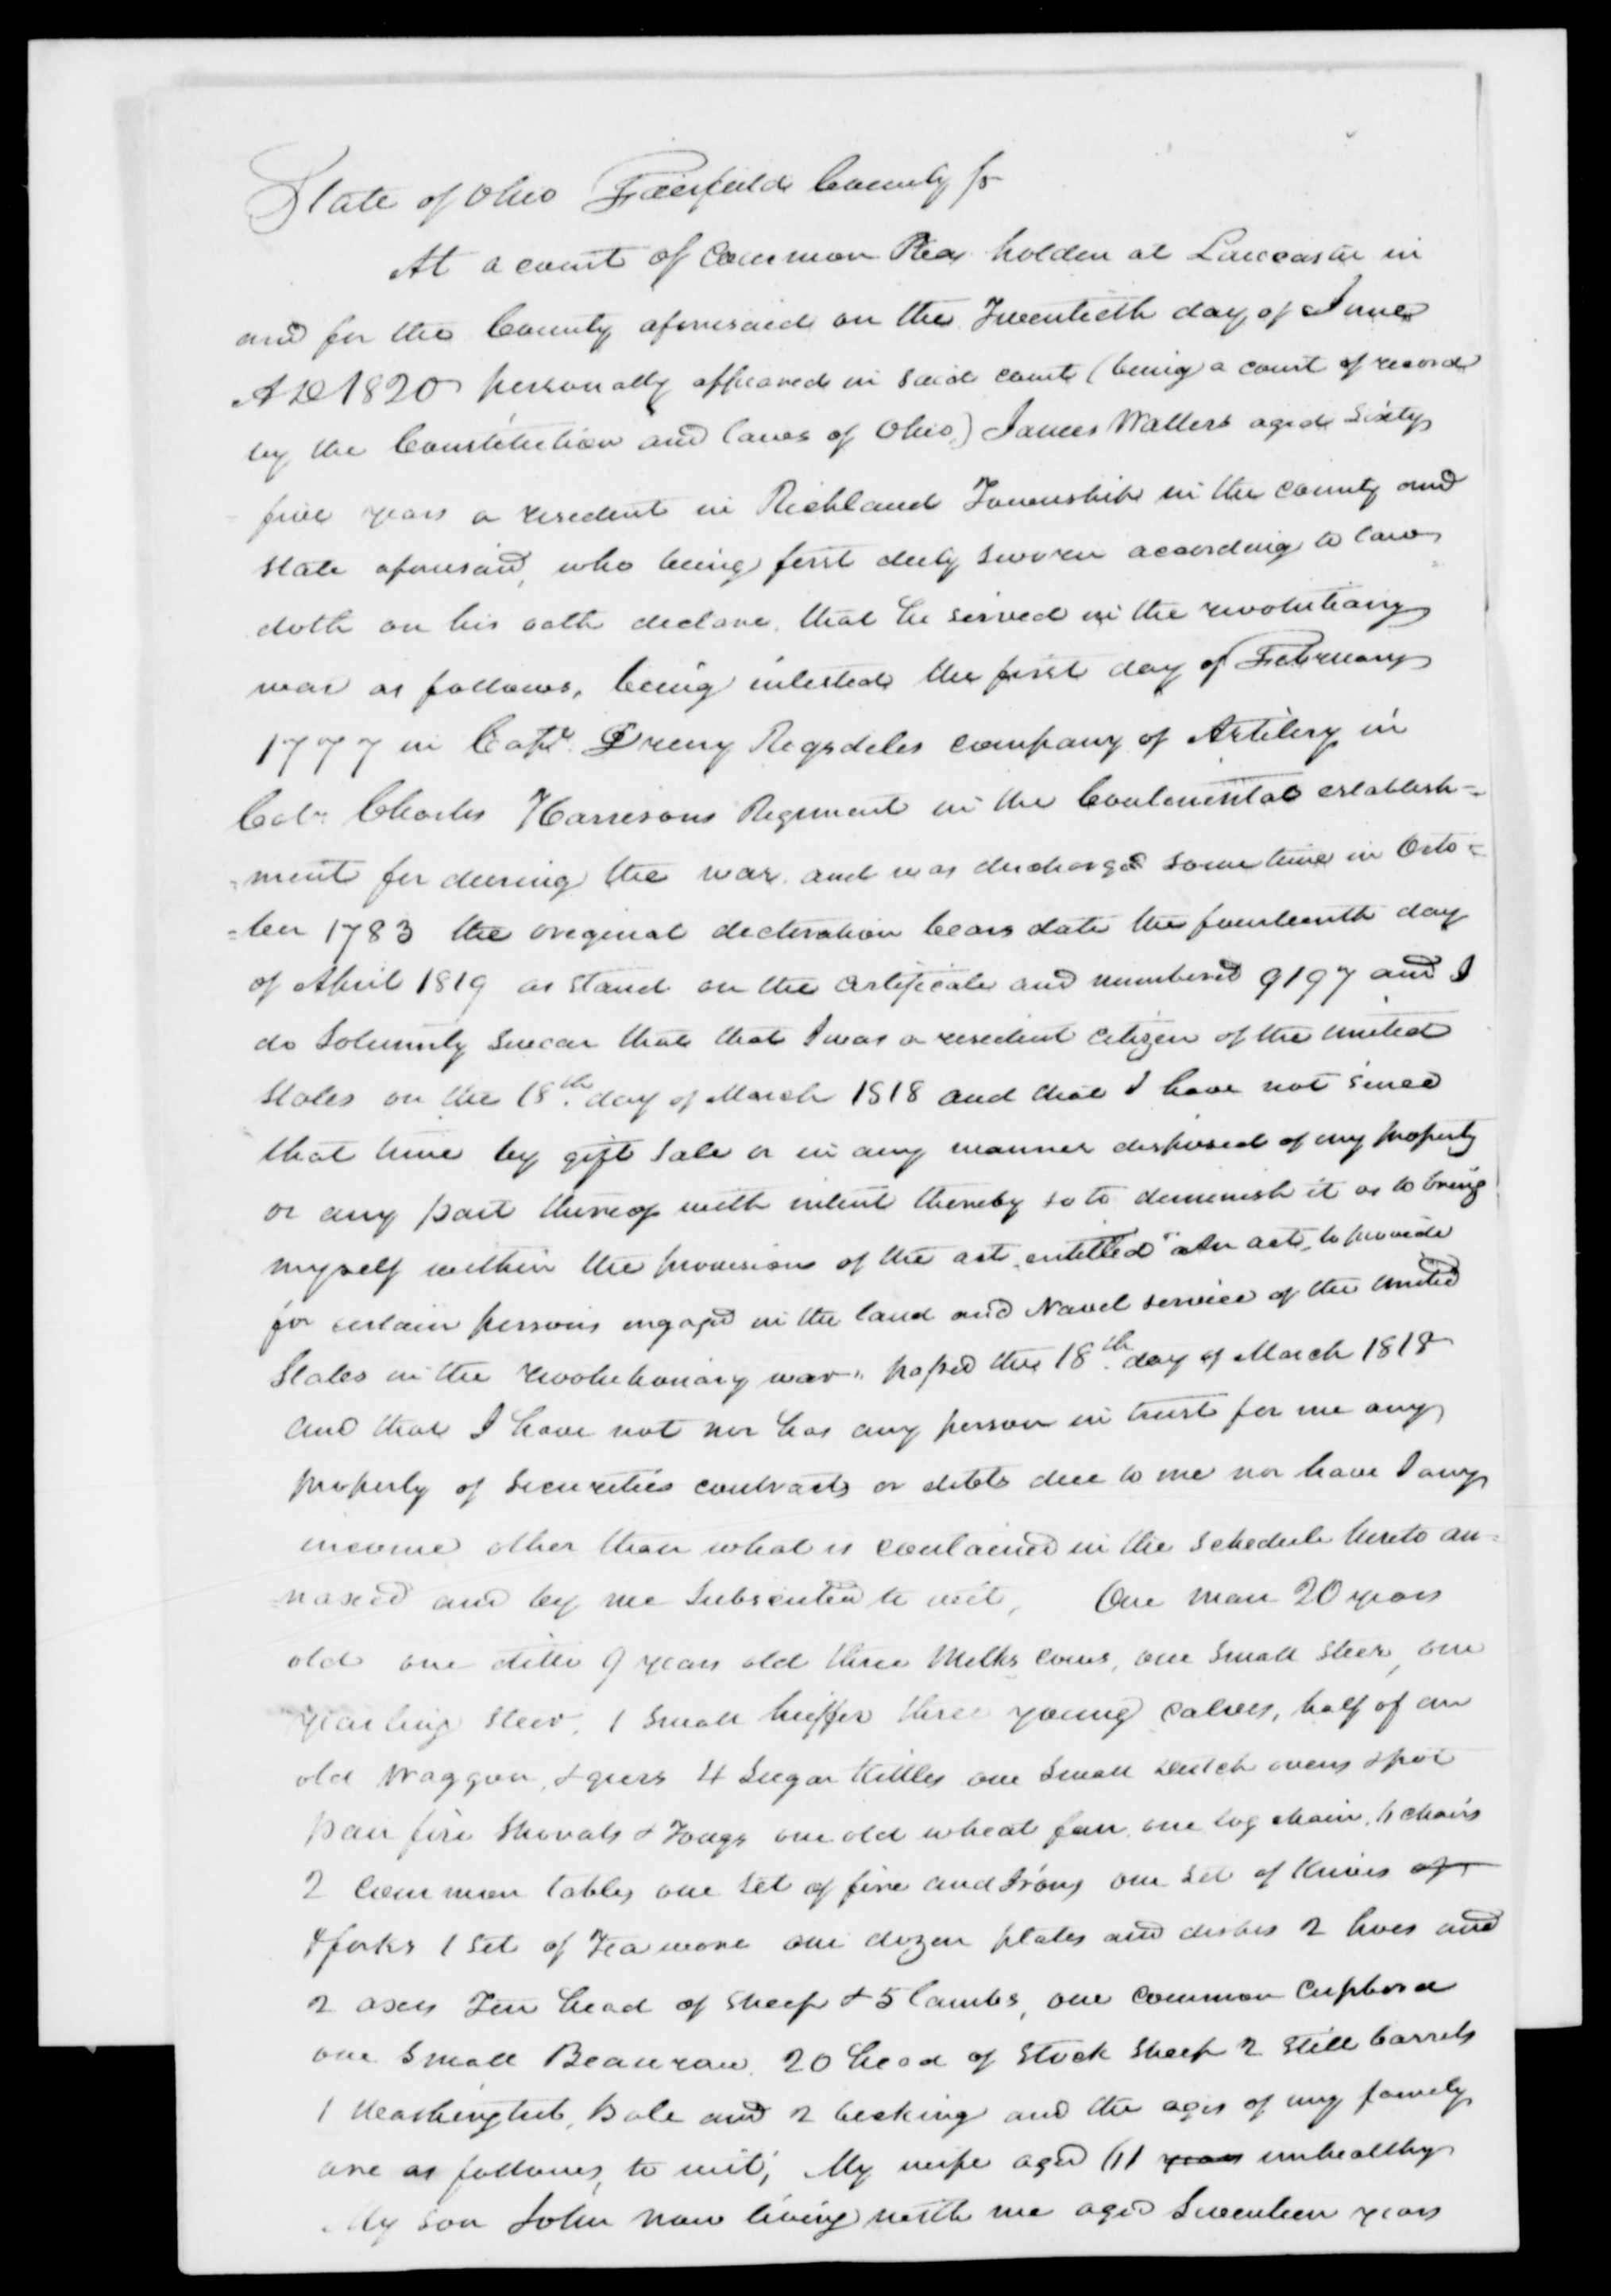State of Ohio Fairfield County ss
At a court of Common Pleas holden at Lancaster in and for the County aforesaid on the Twentieth day of June AD 1820 personally appeared in said Court (being a Court of record by the Constitution and laws of Ohio) James Wallers aged Sixty
five years a resident in Richland Township in the County and State aforesaid who being first duly sworn according to law doth on his oath declare that he served in the revolutionary war as follows, being inlested the first day of February 1777 in Capt Drury Ragsdeles company of Artilery in Colo Charles Harrisons Regiment in the Continental establishment  fer during the war and was discharged some time in October 1783 the original declaration bears date the fourteenth day of April 1819 as stand on the certificate and numbered 9197 and I do solemnly swear that that I was a resident citizen of the United States on the 18th day of March 1818 and that I have not since that time by gift sale or in any manner disposed of my property or any part thereof with intent thereby so to diminish it as to bring myself within the provisions of the act entitled "An act, to provide for certain persons engaged in the land and Naval service of the United States in the revolutionary war" passed the 18th day of March 1818 and that I have not nor has any person in trust for me any property of securities contracts or debts due to me nor have any income other than what is contained in the schedule hereto annaxed and by me Subscribed to wit, one man 20 years old one fille 9 years old three milk cows, one small steer, one yearling steer, 1 small heiffer three young calves, half of an old Waggon, & geers 4 Sugar Kittles one Small Dutch ovens & pot pair fire shovels & tongs one old wheat fan one log chain, 6 chairs 2 common tables, one set of fine and Iv'ory one set of knives & forks 1 set of Tea ware one dozen plates and dishes 2 hoes and 2 axes Ten head of sheep & 5 lambs, one common cupbord one Small Beaurau 20 head of stock sheep 2 Will barrels 1 washingtub, Bale and 2 [illegible] and the ages of my family are as follows, to wit; My wife aged 61 unhealthy My son John now living with me aged Seventeen years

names: John, James Watters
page: 14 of 29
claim: survivor's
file: S. 40642, James Waters, Continental (Md)